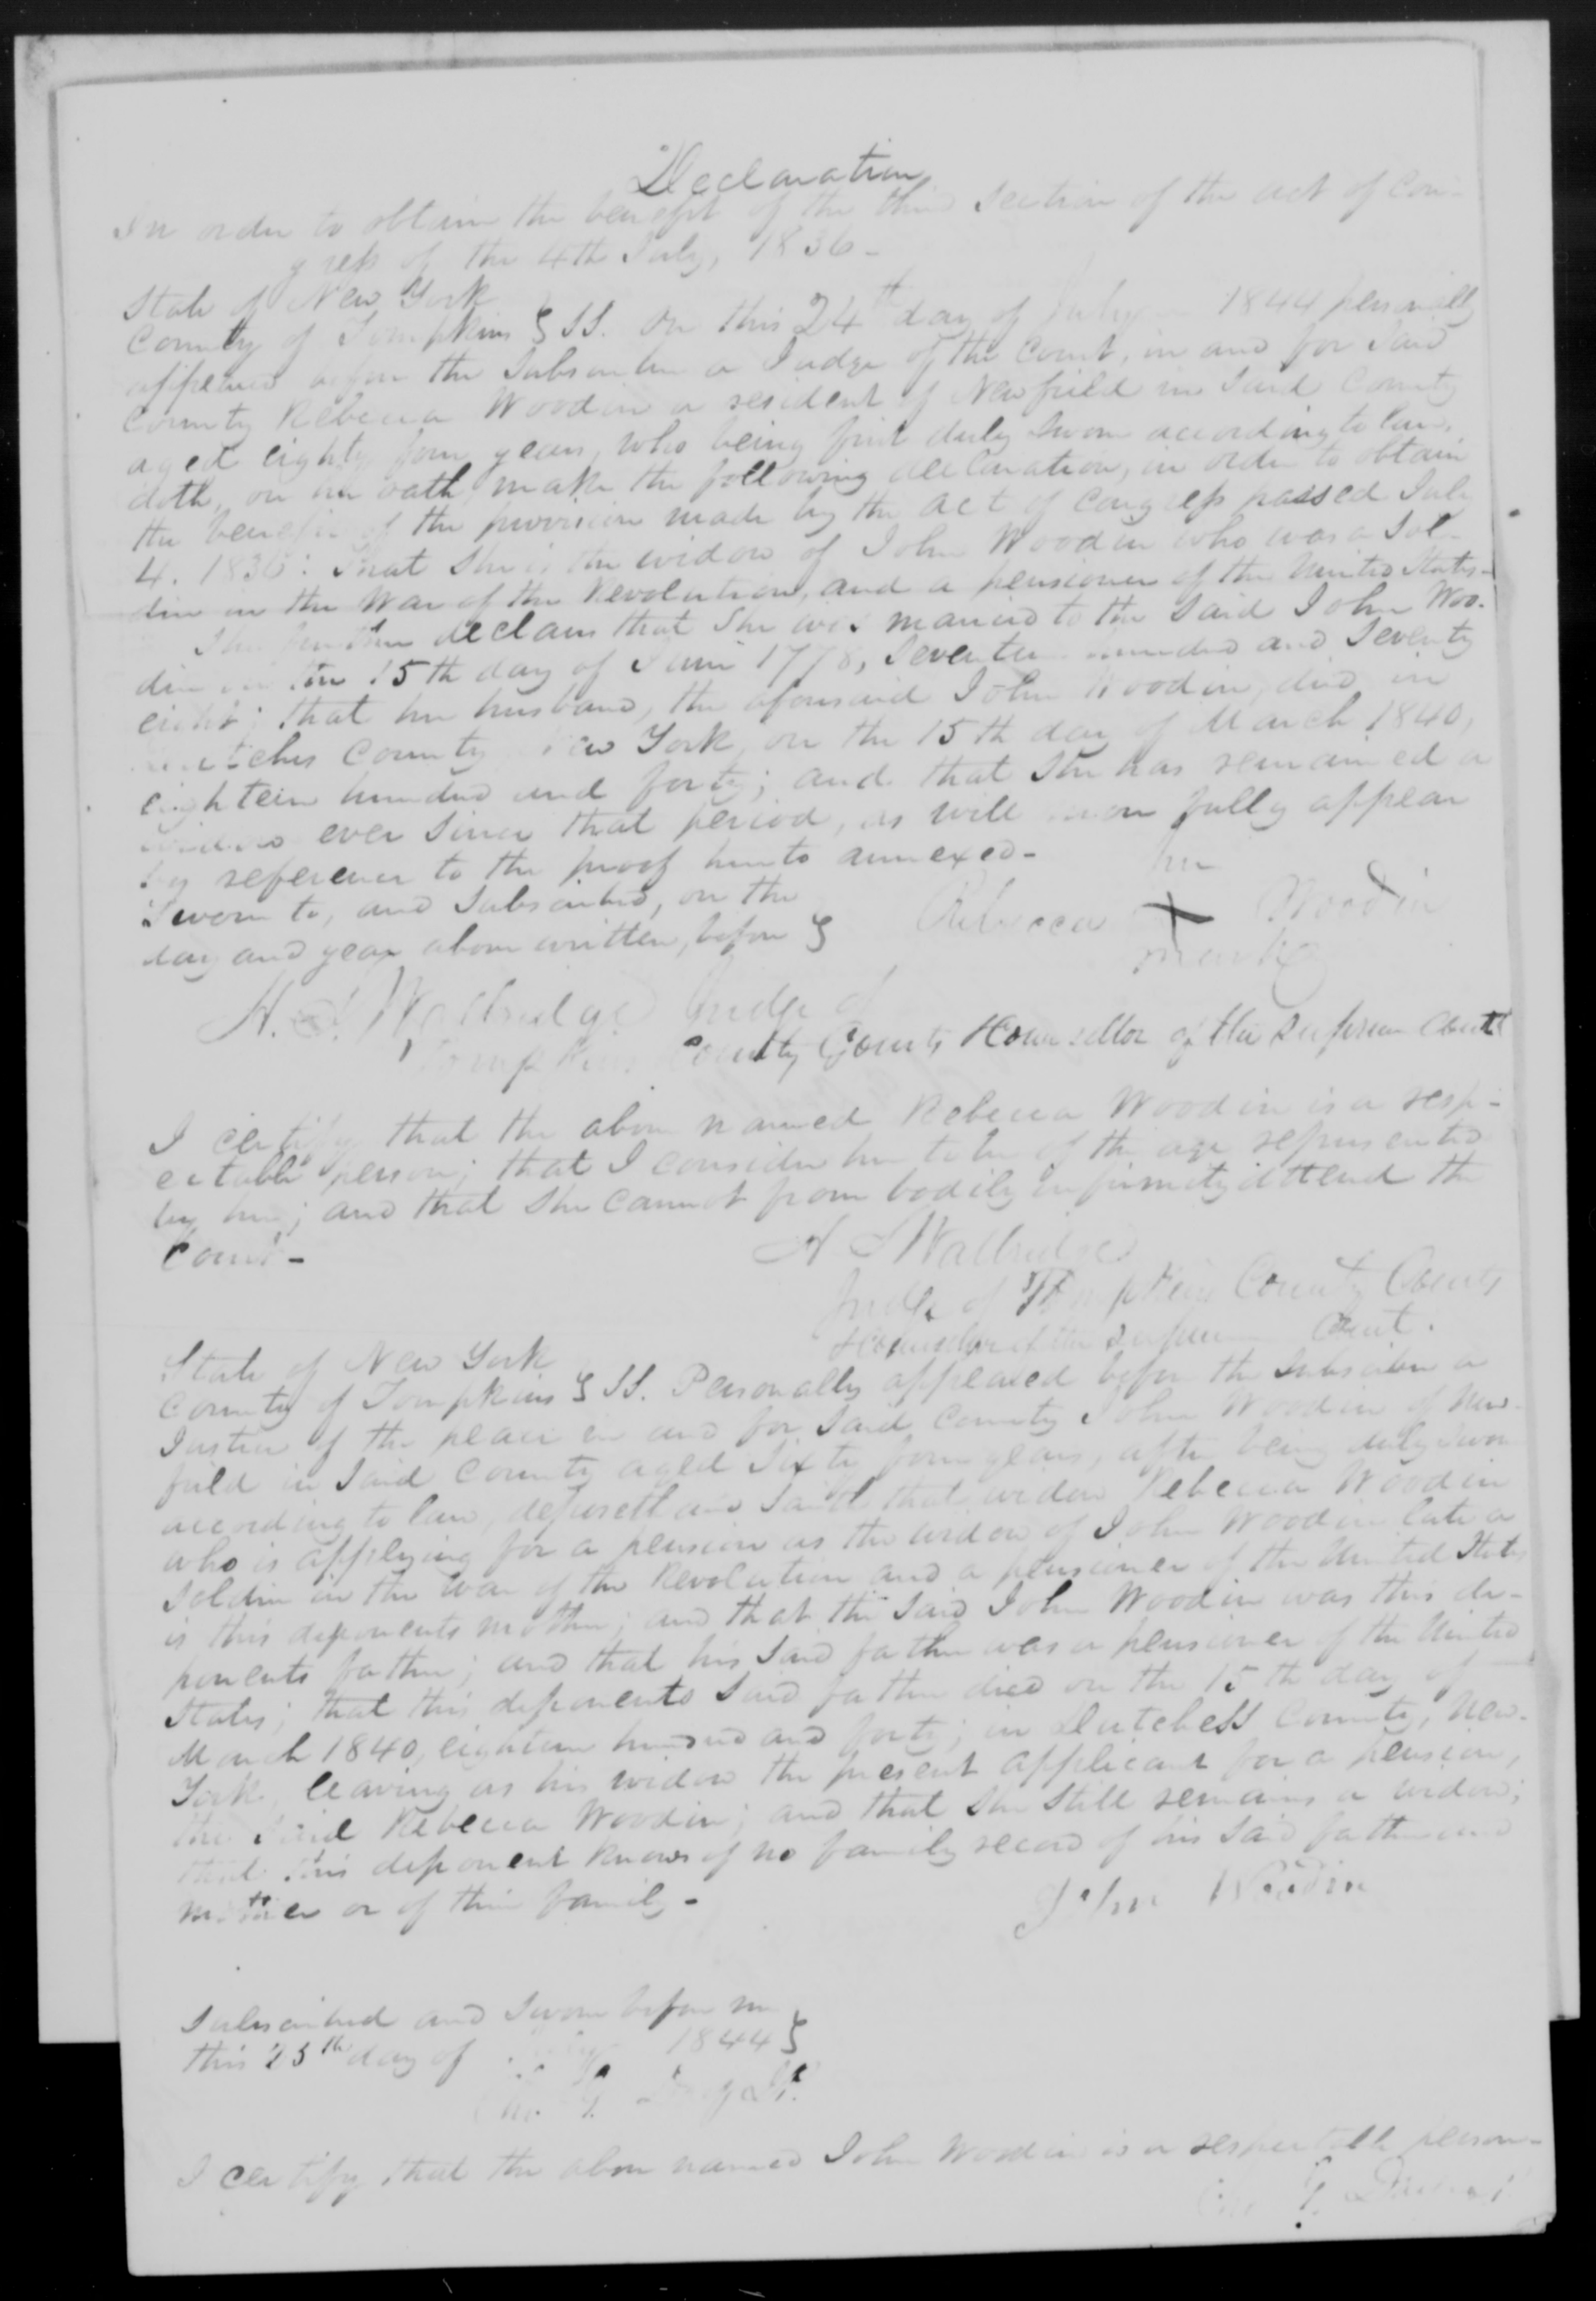Declaration
In order to obtain the benefit of this this section of the act of Congress of the 4th July, 1836. 
State of New York
County of Tompkins SS  On this 24th day of July 1844 personally appeared before the Subscriber a Judge of the Court, in and for said County Rebecca Woodin a resident of Newfield in said Court aged eighty four years, who being first duly sworn according to law doth on her oath make the following declaration, in order to obtain the benefit of the provision made by the act of Congress passed July 4. 1836: That she is the widow of John Woodin who was a soldier in the War of the revolution, and a pensioner of the United States She further declares that she was married to the said John Woodin on the 15th day of Jan 1778, Seventeen hundred and Seventy eight that her husband, the aforesaid John Woodin, died in Dutchess County New York, on the 15th day of March 1840 Eighteen hundred and forty; and that she has remained a widow ever since that period, as will now fully appear by reference to the proof hereto annexed 
[signed] Rebecca Woodin  + her mark
Sworn to and subscribed, on the day and year above written, before 
H. S. Walbridge Judge of County Court & Counsellor of the Supreme Court 
I certify that the above named Rebecca Woodin is a respectable person; that I consider her to be of the age represented by her and that she cannot from bodily infirmity attend the Court
H. S. Walbridge Judge of the [illegible] County Court [illegible]
State of New York
County of Tompkins SS.  Personally appeared before the subscriber a Justice of the peace in and for said County John Woodin of Newfield in said County aged sixty four years, at being duly sworn according to law, deposeth and said that widow Rebecca Woodin who is applying for a pension as the widow of John Woodin late a soldier in the war of the Revolution and a pensioner of the United is this deponents mother; and that the said John Woodin was this deponents father; and that his said father was a pensioner of the United States ; that this deponents said father died on the 15th day of March 1840, eighteen hundred and forty in Dutchess County, New York leaving as his widow the present applicant for a pension, the said Rebecca Woodin; and that she still remains a widow; that this deponent knows of no family record of his said father and mother or of this family. [signed] John Woodin
Subscribed and sworn before me this 25th day of July 1844 [signature illegible]
I certify that the above named John Woodin is a respectable person [signature illegible]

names: John Wooden, Rebecca Wooden, H S Walbridge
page: 27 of 77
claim: widow's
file: W. 19658, John Woodin, New York